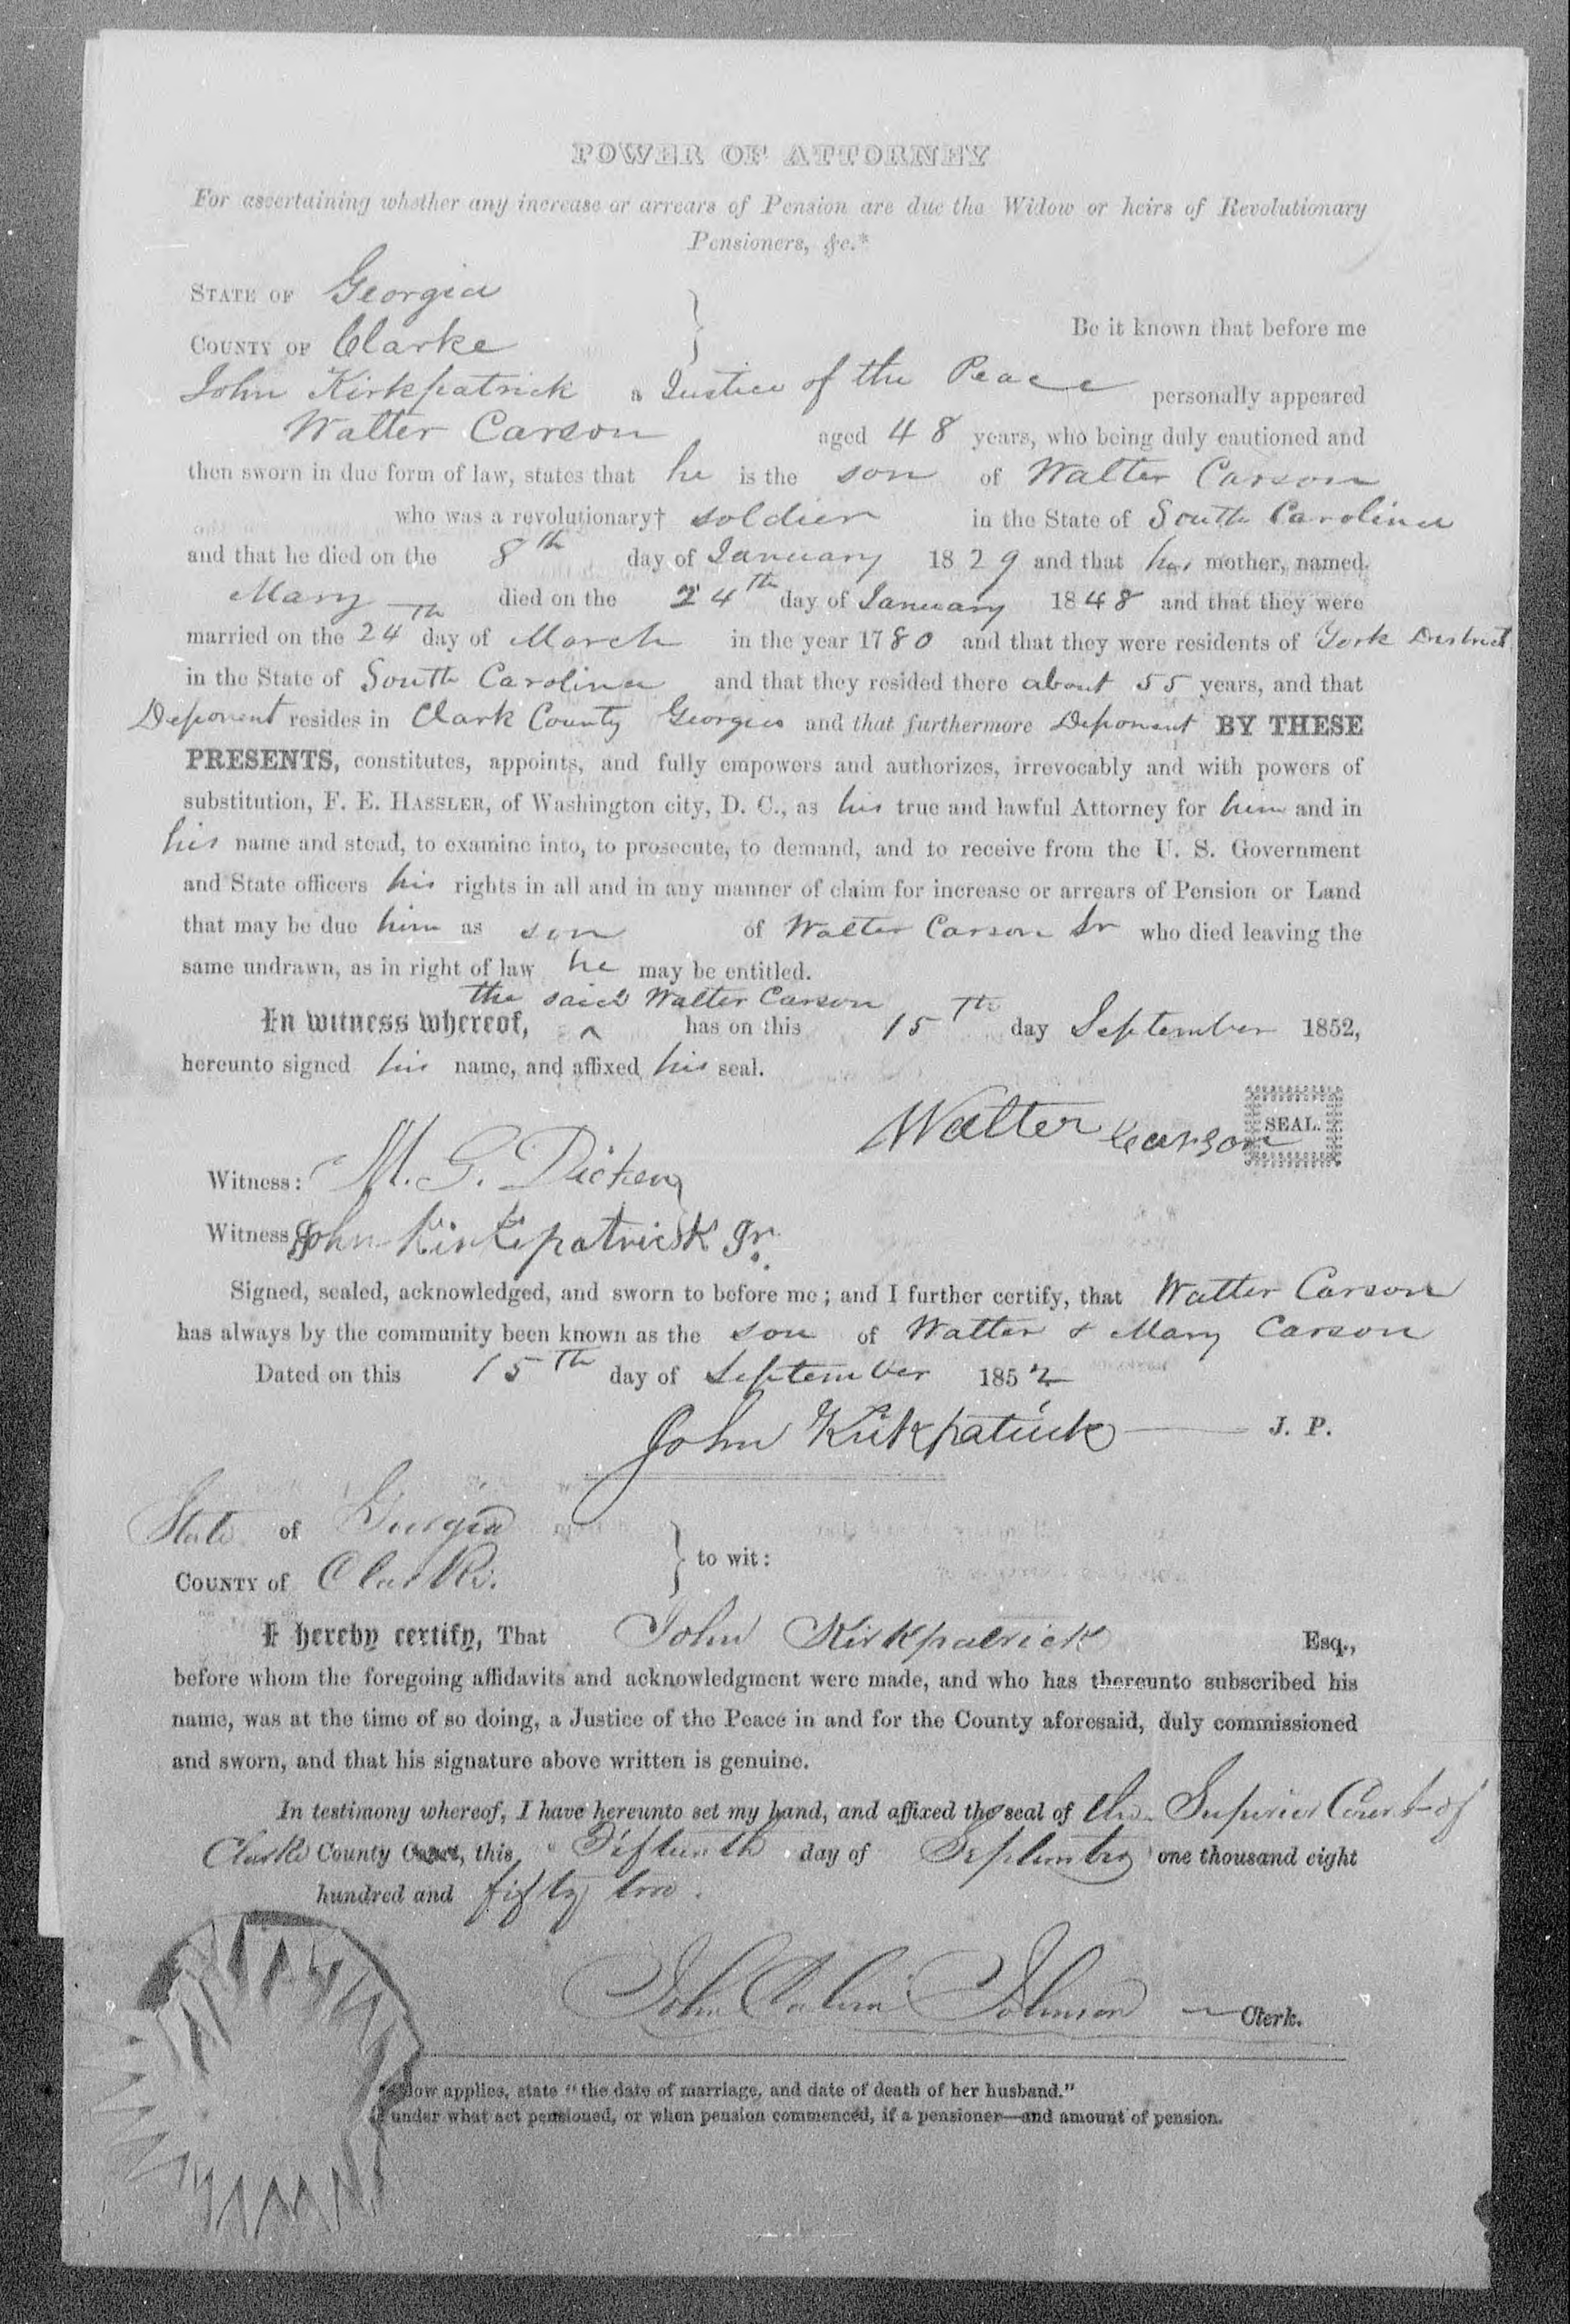POWER OF ATTORNEY
For ascertaining whether any increase or arrears of Pension are due the Widow or heirs of Revolutionary Pensioners, &c.*
STATE OF Georgia
COUNTY OF Clarke
Be it known that before me John Kirkpatrick a Justice of the Peace personally appeared Walter Carson aged 48 years, who being duly cautioned and then sworn in due form of law, states that he is the son of Walter Carson who was a revolutionary soldier in the State of South Carolina and that he died on the 8th day of January 1829 and that his mother, named Mary died on the 24th day of January 1848 and that they were married on the 24th day of March in the year 1780 and that they were residents of York District in the State of South Carolina, and that they resided there about 55 years, and that Deponent resides in Clark County Georgia and that furthermore Deponent BY THESE PRESENTS, constitutes, appoints, and fully empowers and authorizes, irrevocably and with powers of substitution, F. E. HASSLER, of Washington City, D. C., as his true and lawful Attorney for him and in his name and stead, to examine into, to prosecute, to demand, and to receive from the U.S. Government and State officers his rights in all and in any manner of claim for increase or arrears of Pension or Land that may be due him as son of Walter Carson Sr who died leaving the same undrawn, as in right of law he may be entitled.
In witness whereof, the said Walter Carson has on this 15th day September 1852, hereunto signed his name, and affixed his seal.
Walter Carson (SEAL)
Witness: M.G. Dickens
Witness: John Kirkpatrick Jr.
Signed, sealed, acknowledged, and sworn to before me; and I further certify, that Walter Carson has always by the community been known as the son of Walter & Mary Carson
Dated on this 15th day of September 1852.
John Kirkpatrick J.P.
State of Georgia
COUNTY of Clarke
to wit:
I hereby certify, That John Kirkpatrick Esq., before whom the foregoing affidavits and acknowledgment were made, and who has thereunto subscribed his name, was at the time of so doing, a Justice of the Peace in and for the County aforesaid, duly commissioned and sworn, and that his signature above written is genuine.
In testimony whereof, I have hereunto set my hand, and affixed the seal of the Superior Court of Clarke County, this Fifteenth day of September one thousand eight hundred and fifty two.
John Calvin Johnson Clerk.
[*] applies, state "the date of marriage, and date of death of her husband."
under what net pensioned, or when pension commenced, if a pensioner and amount of pension.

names: Walter Carson, M G Dicken, Mary, Walter Carson, John Kirkpatrick, Walter Carson, John Kirkpatrick, Walter Carson, John Kirkpatrick, Walter Carson, Mary Carson, John Calvin Johnson, Walter Carson, Walter Carson, John Kirkpatrick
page: 23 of 34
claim: rejected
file: R. 1,738, Walter Carson, N.C. S.C.